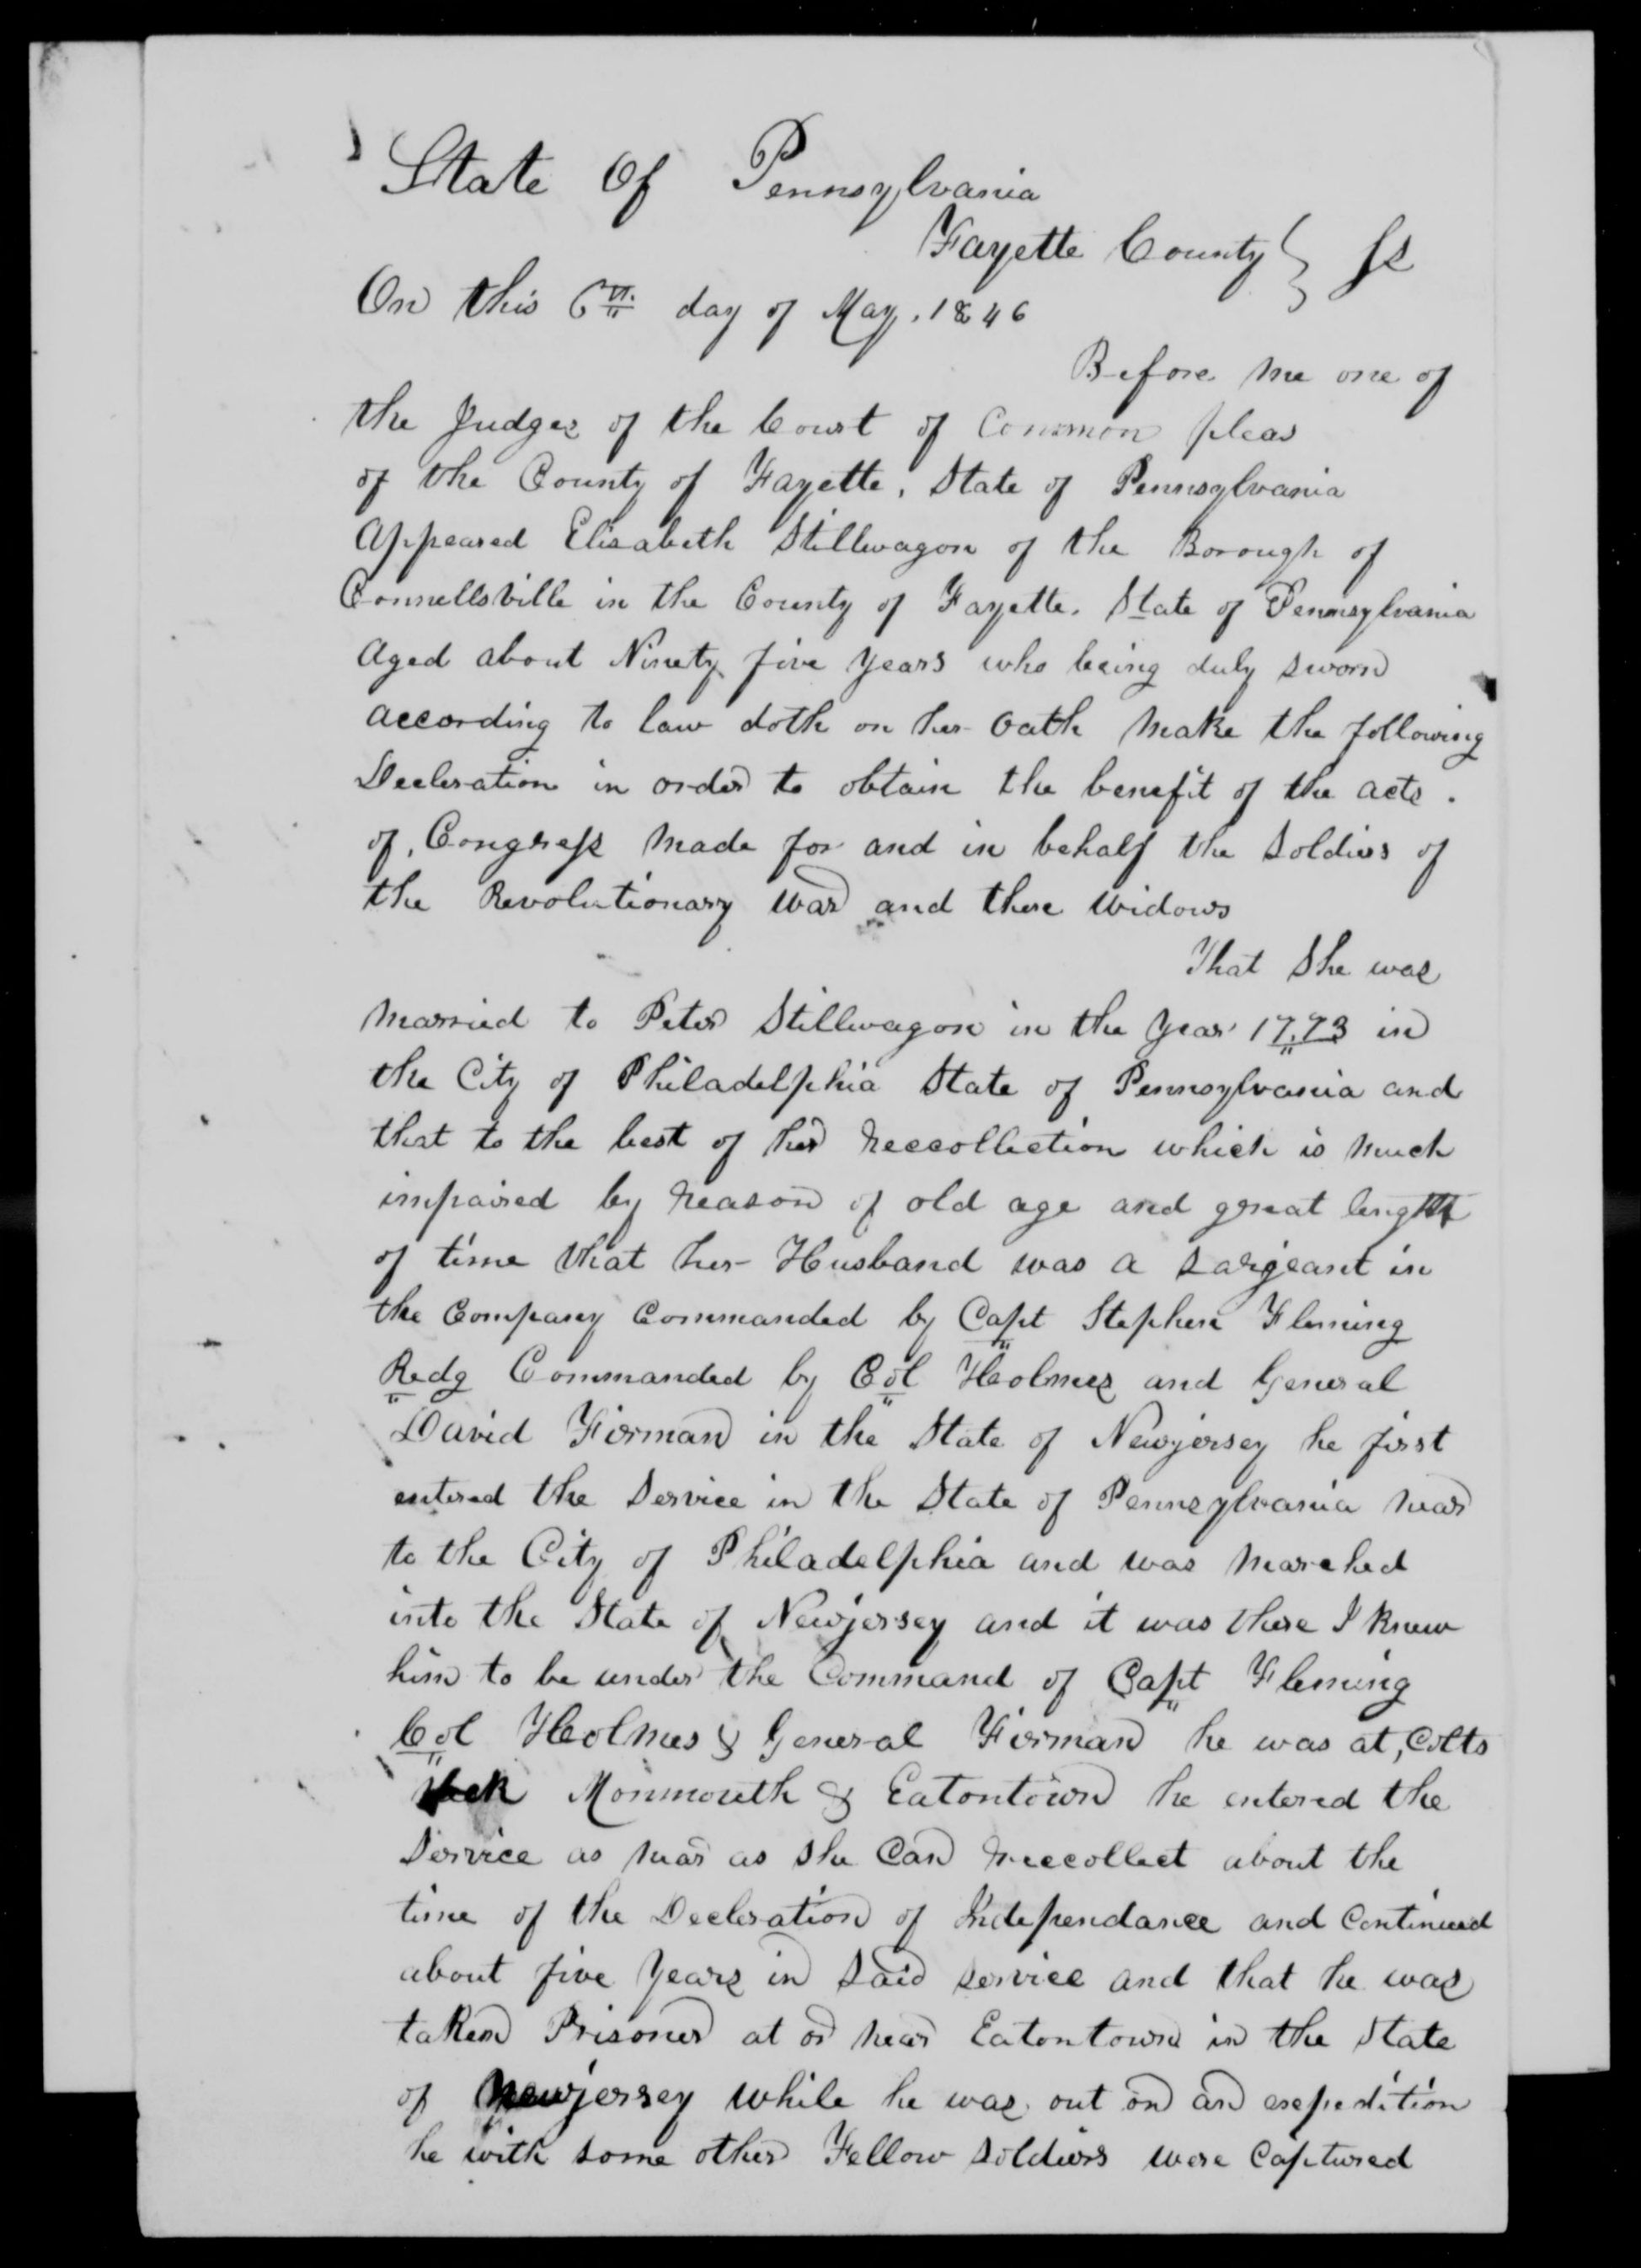State of Pennsylvania
                        Fayette County [bracket]
On this 6th day of May 1846
                                     Before me one of the judges of the court of common pleas of the County of Fayette, State of Pennsylvania Appeared Elizabeth Stillwagon of the Borough of Connellsville in the County of Fayette, State of Pennsylvania Aged about ninety five years who being duly sworn according to law doth on her oath make the following Declaration in order to obtain the benefit of the acts of Congress made for and in behalf the soldiers of the Revolutionary War and their widows
                                                            That she was married to Peter Stillwagon in the year 1773 in the city of Philadelphia State of Pennsylvania and that to the best of her recollection which is much impaired by reason of old age and great length of time that her Husband was a sargeant in the company commanded by Capt Stephen Fleming Redg Commanded by Col Holmes and General David Forman in the State of Newjersey [sic] he first entered the Service in the State of Pennsylvania near to the City of Philadelphia and was marched into the State of Newjersey [sic] and it was there I know him to be under the Command of Capt Fleming Col Holmes & General Forman he was at Colts Neck, Monmouth & Eatontown he entered the Service as near as she can recollect about the
time of the Declaration of Independence and continued about five years in said service and that he was taken Prisoner at or near Eatontown in the State of Newjersey [sic] while he was out on an expedition he with some other Fellow soldiers were captured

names: [BLANK] Holmes; Elisabeth Stillwagon; [BLANK] Fleming; [BLANK] Firman; Stephen Fleming; David Firman; Peter Stillwagon; [BLANK] Holmes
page: 3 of 73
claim: widow's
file: W. 3197, for Peter Stillwagon, New Jersey